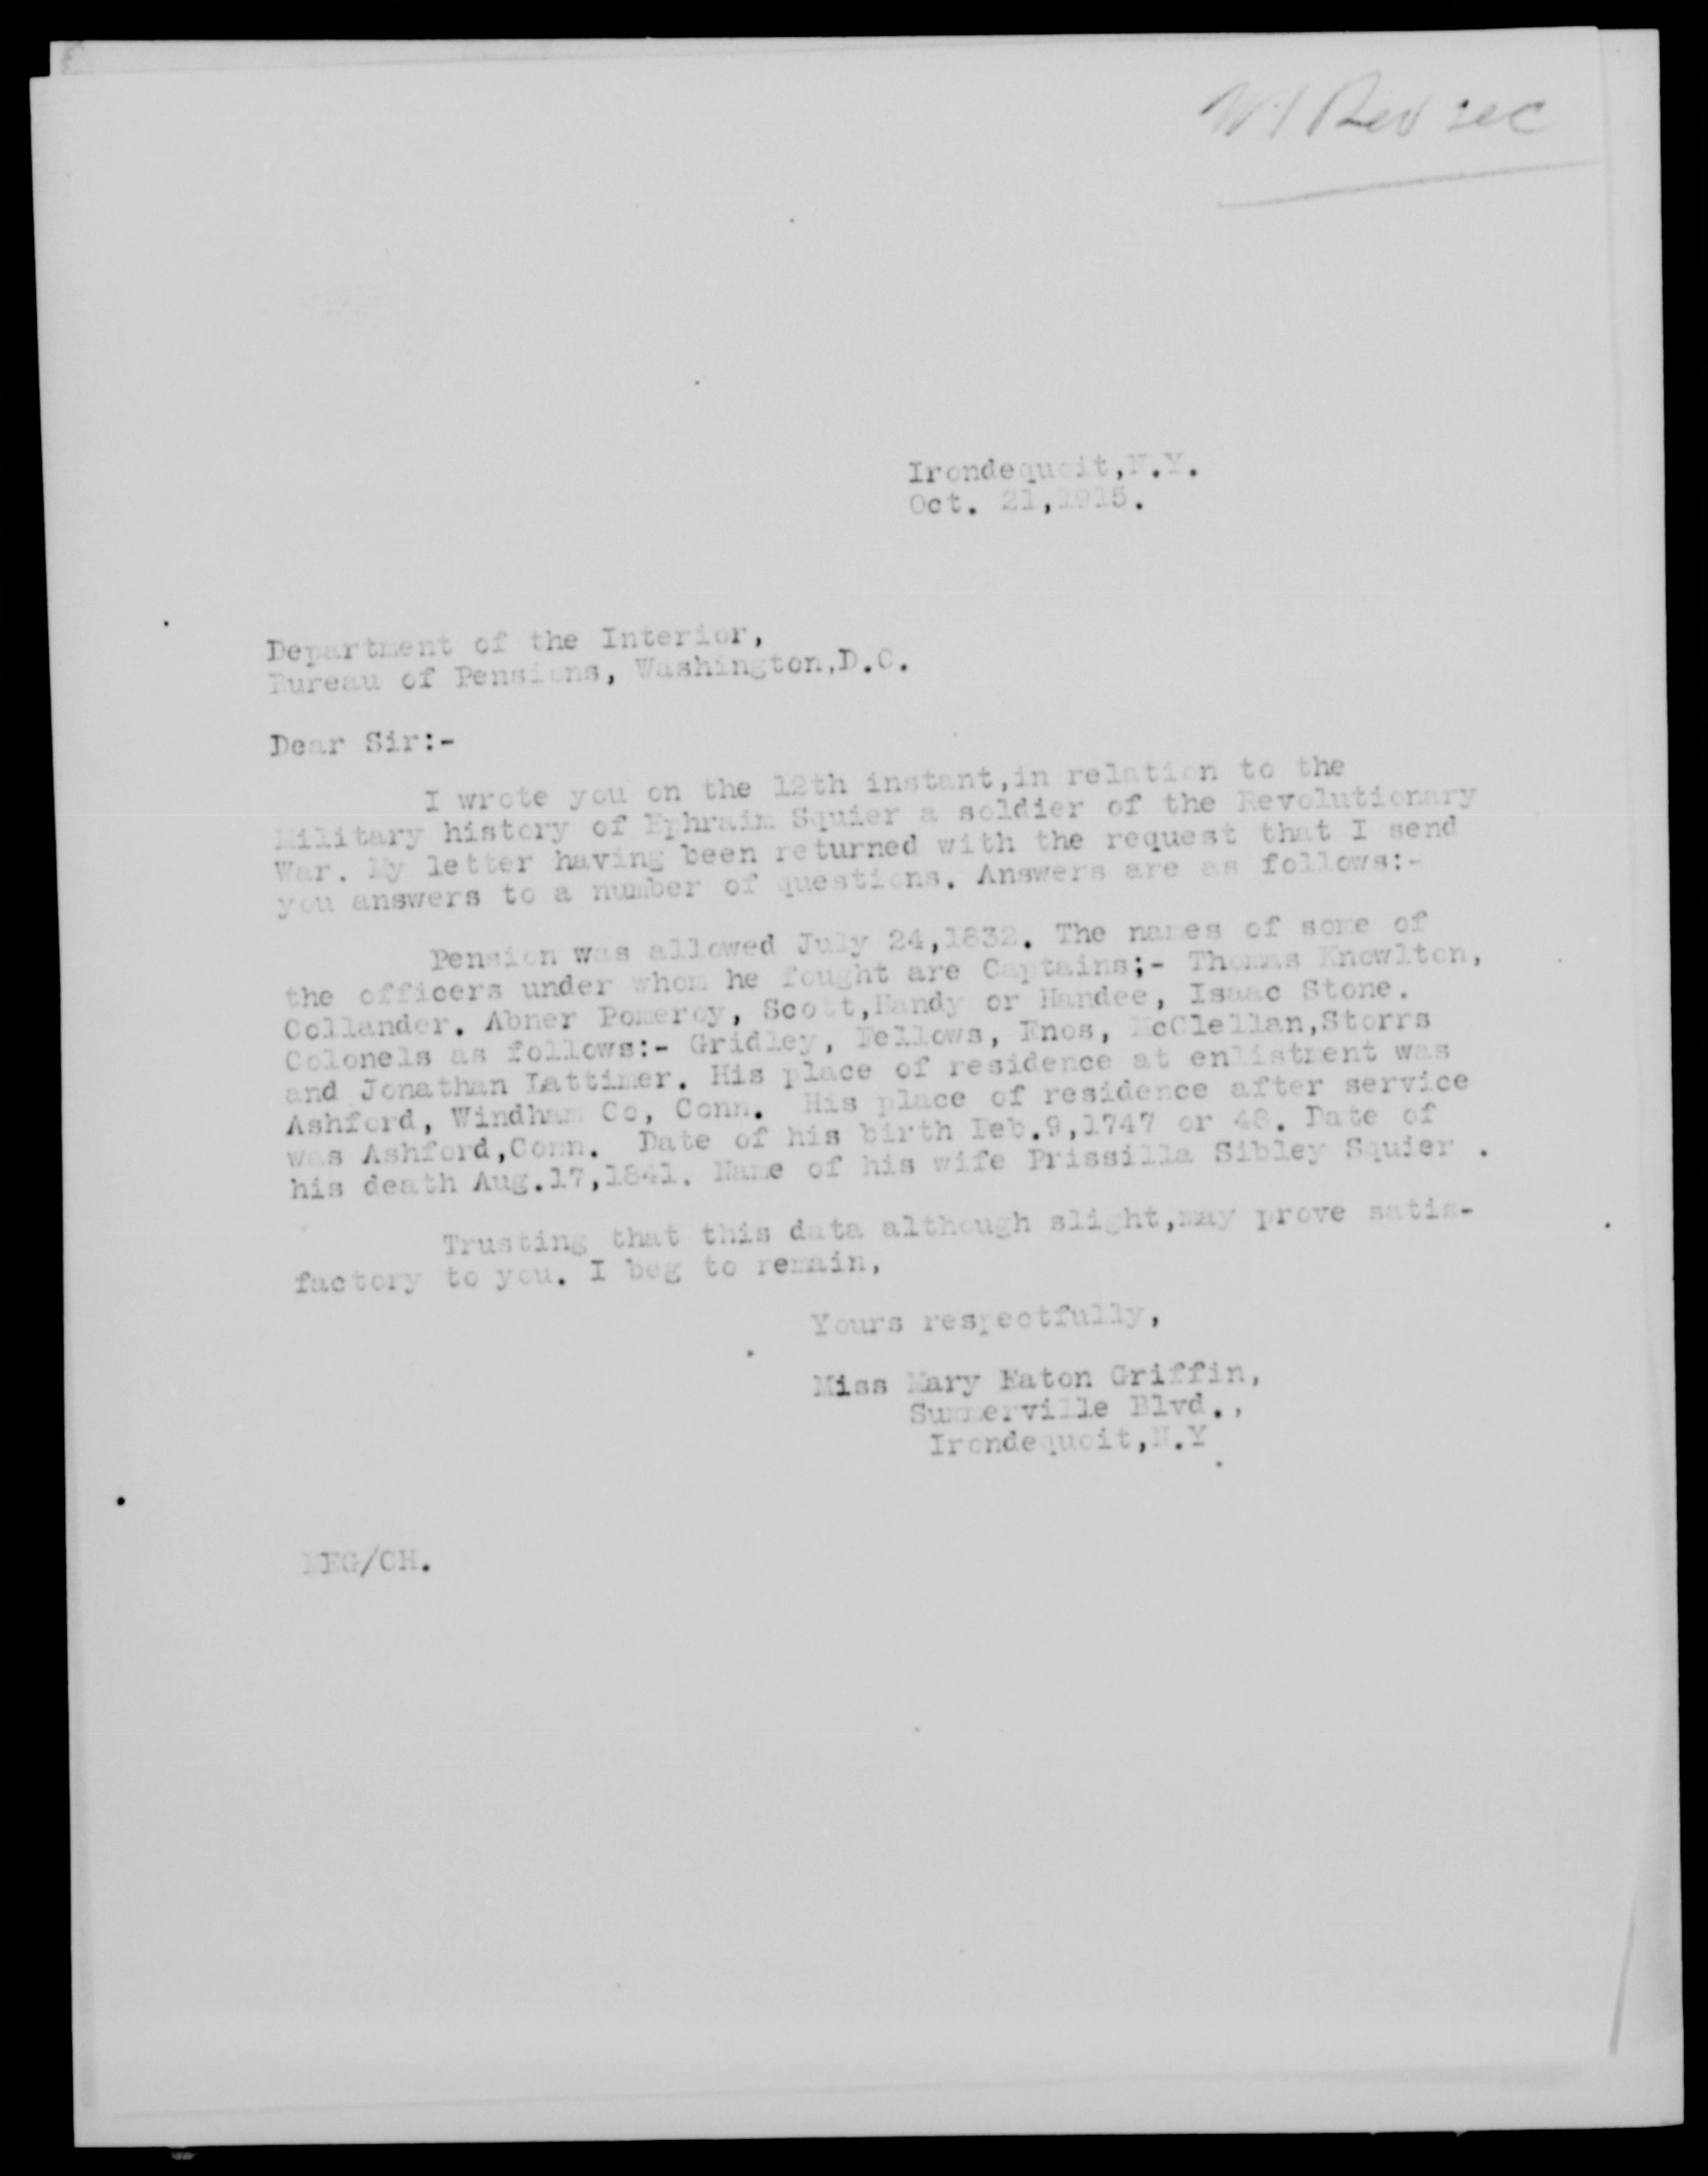Irondequoit, N.Y.
Oct. 21, 1915

Department of the Interior
Bureau of Pensions, Washington, D.C.

Dear Sir:-
I wrote you on the 12 instant, in relation to the Military history of Ephraim Squier a soldier of the Revolutionary War. My letter having been returned with the request that I send you answers to a number of questions. Answers are as follows:-

Pension was allowed July 24, 1832. The names of some of the officers under whom he fought are Captains;- Thomas Knowlton, Collander, Abner Pomeroy, Scott, Handy or Handee, Isaac Stone. Colonels as follows:- Gridley, Fellows, Enos, McClellan, Storrs, and Jonathan Lattimer. HIs place of residence at enlistment was Ashford, Windham Co., Conn. His place of residence after service was Ashford, Conn. Date of his birth Feb. 9, 1747 or 48. Date of his death Aug. 17, 1841. Name of his wife Prissilla Silbey Squier. 

Trusting that this data although slight, may provide satisfactory to you, I beg to remain.

Yours respectfully, 
Miss Mary Eaton Griffin, 
Summerville Blvd.,
Irondequoit, N.Y

MEG/CH.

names: [BLANK] Mc Clellan; Mary Eaton Griffin; [BLANK] Hundy; Prissilla Sibley Squier; [BLANK] Handoe; Jonathan Lattimer; Ephraim Squier; [BLANK] Fellows; [BLANK] Scott; Abner Pomeroy; [BLANK] Gridley; Thomas Knowlton; Isaac Stone; [BLANK] Knox; [BLANK] Storrs; [BLANK] Collender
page: 28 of 70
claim: rejected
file: R. 10,026, for Ephraim Squier, Connecticut